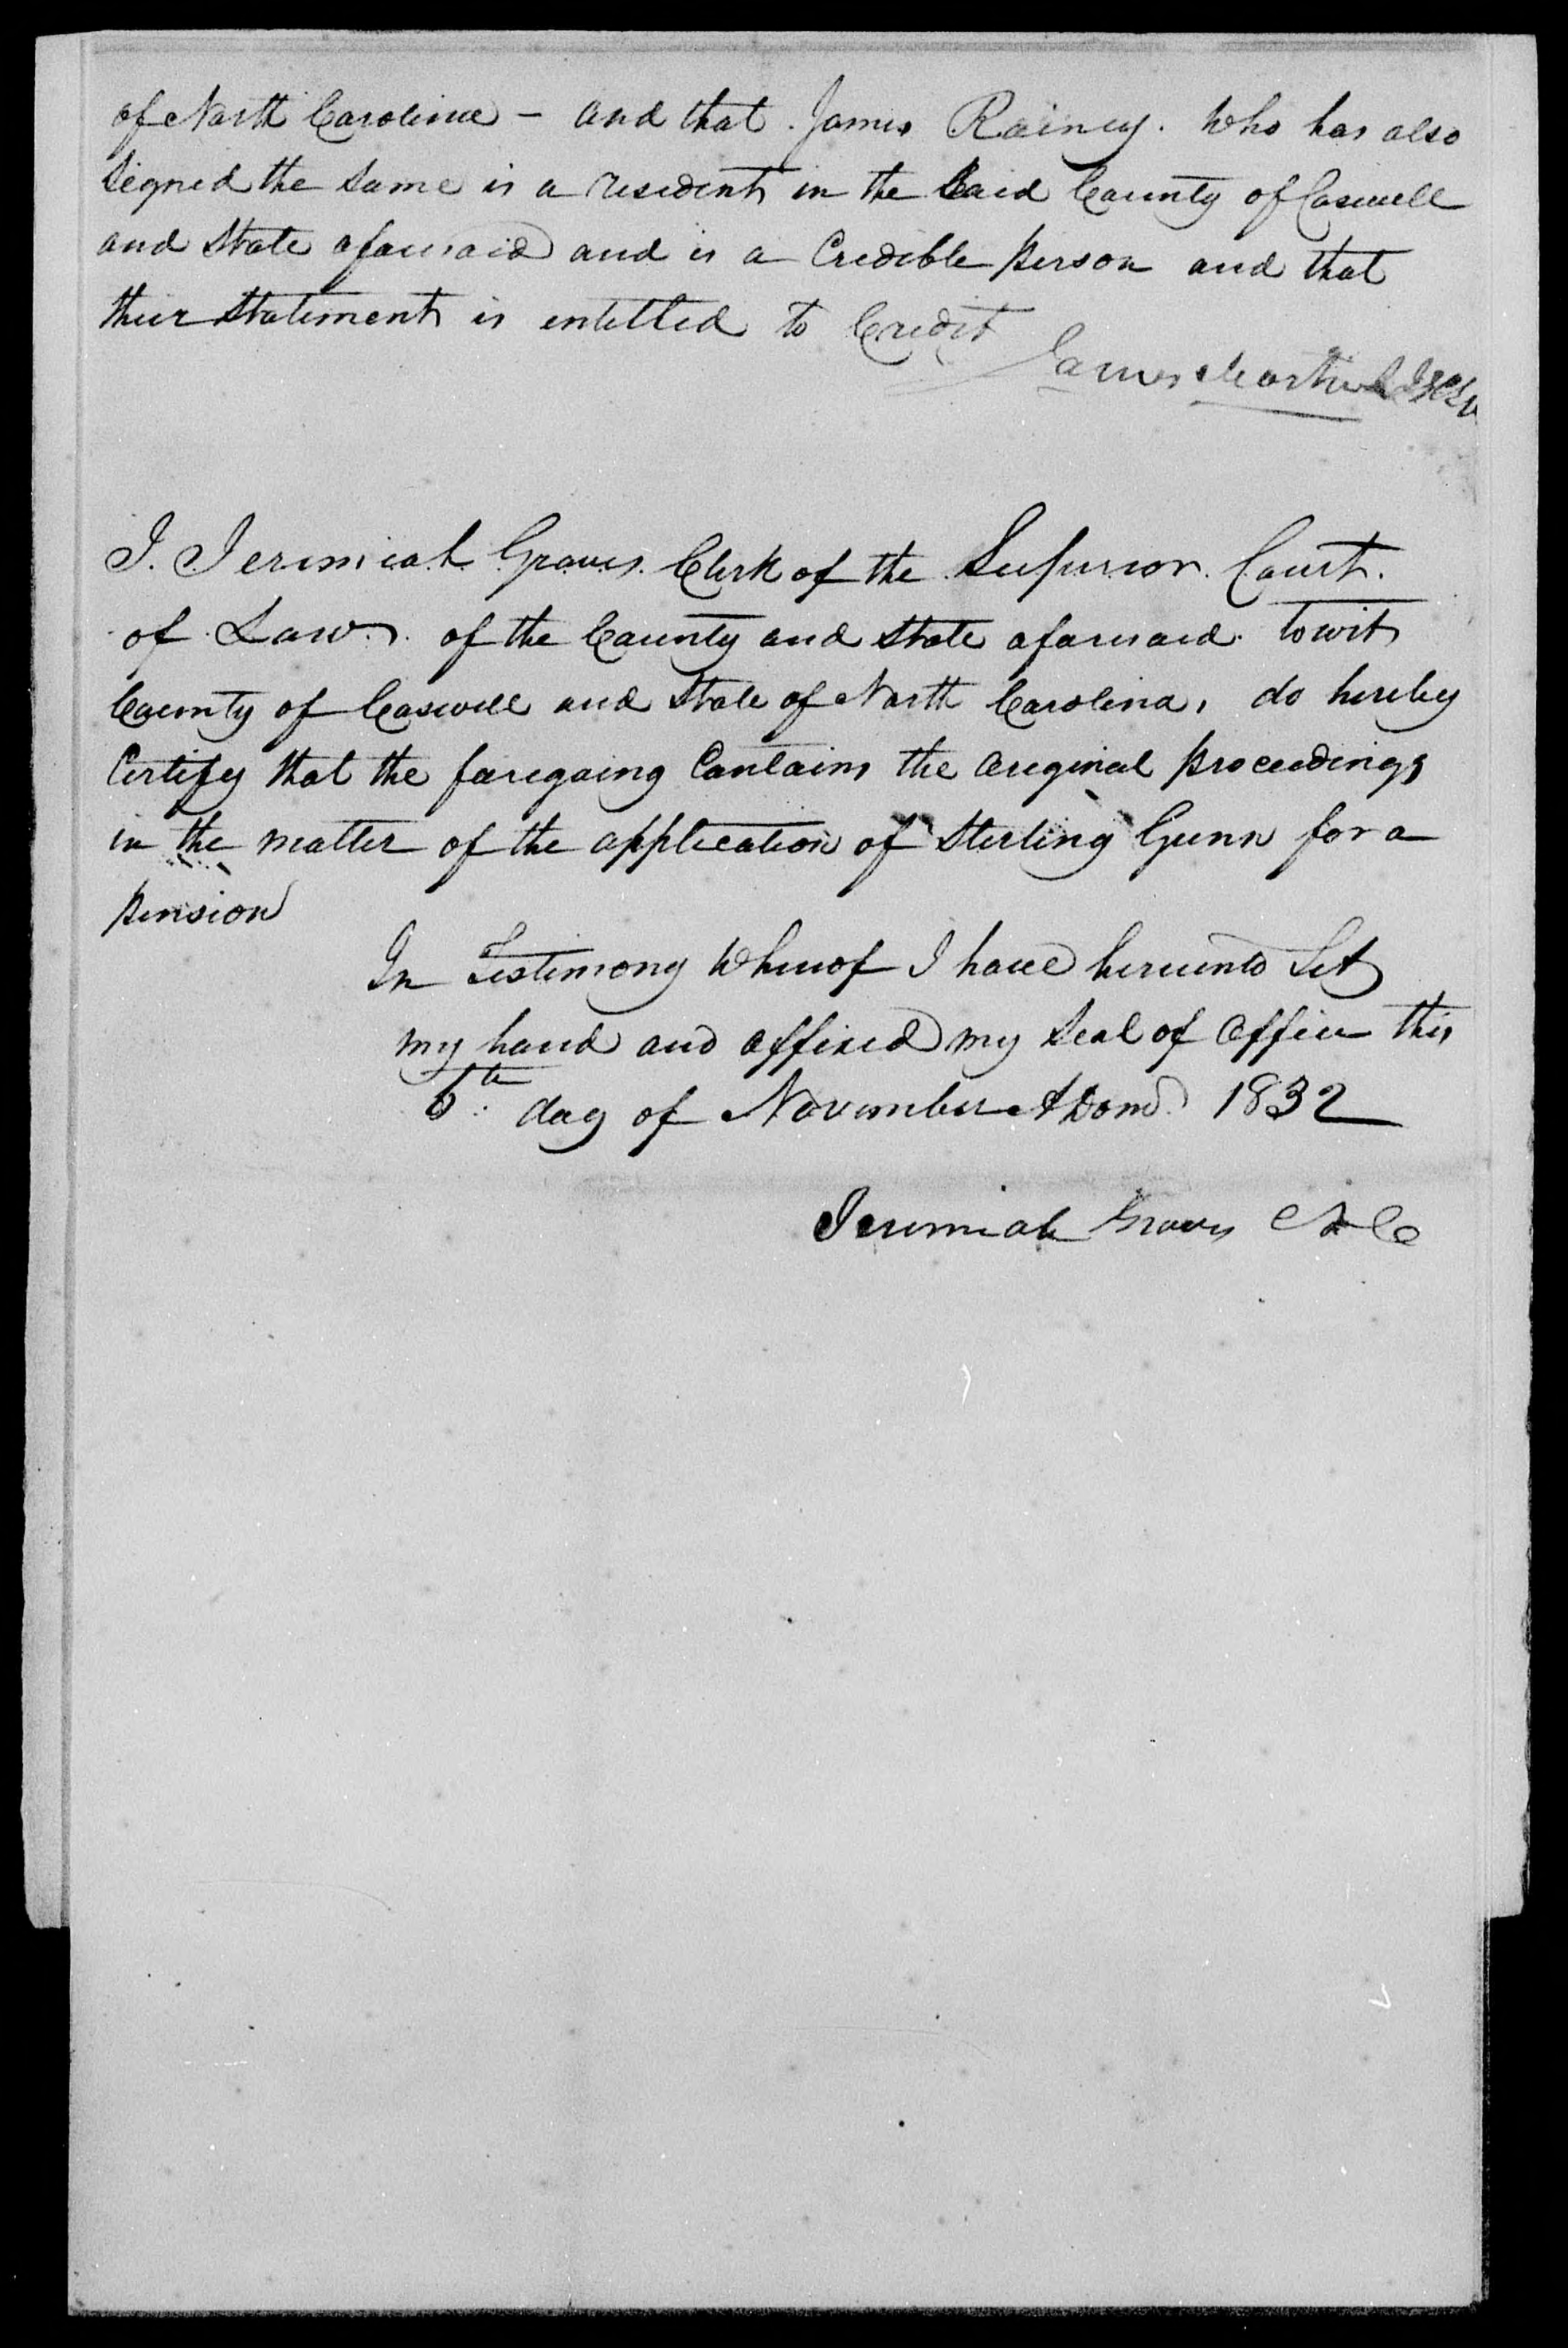of North Carolina — and that James Rainey. who has also signed the same is a resident in the said County of Caswell and State aforesaid and is a credible person and that thier statement is entitled to credit.
James Martin  JSC

I. Jeremiah Graves. Clerk of the Superior Court. of Law of the County and State aforesaid. to wit, County of Caswell and State of North Carolina, do hereby certify that the foregoing contains the original proceedings in the matter of the application of Sterling Gunn for a pension.
In testimony whereof I have hereunto Set my hand and affixed my Seal of office this 6th day of November ADom 1832
Jeremiah Graves  CSC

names: Jeremiah Graves, James Martin, Jeremiah Graves, Sterling Gunn, James Rainey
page: 6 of 58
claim: survivor's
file: S. 6,941, Starling Gunn, Continental Va.